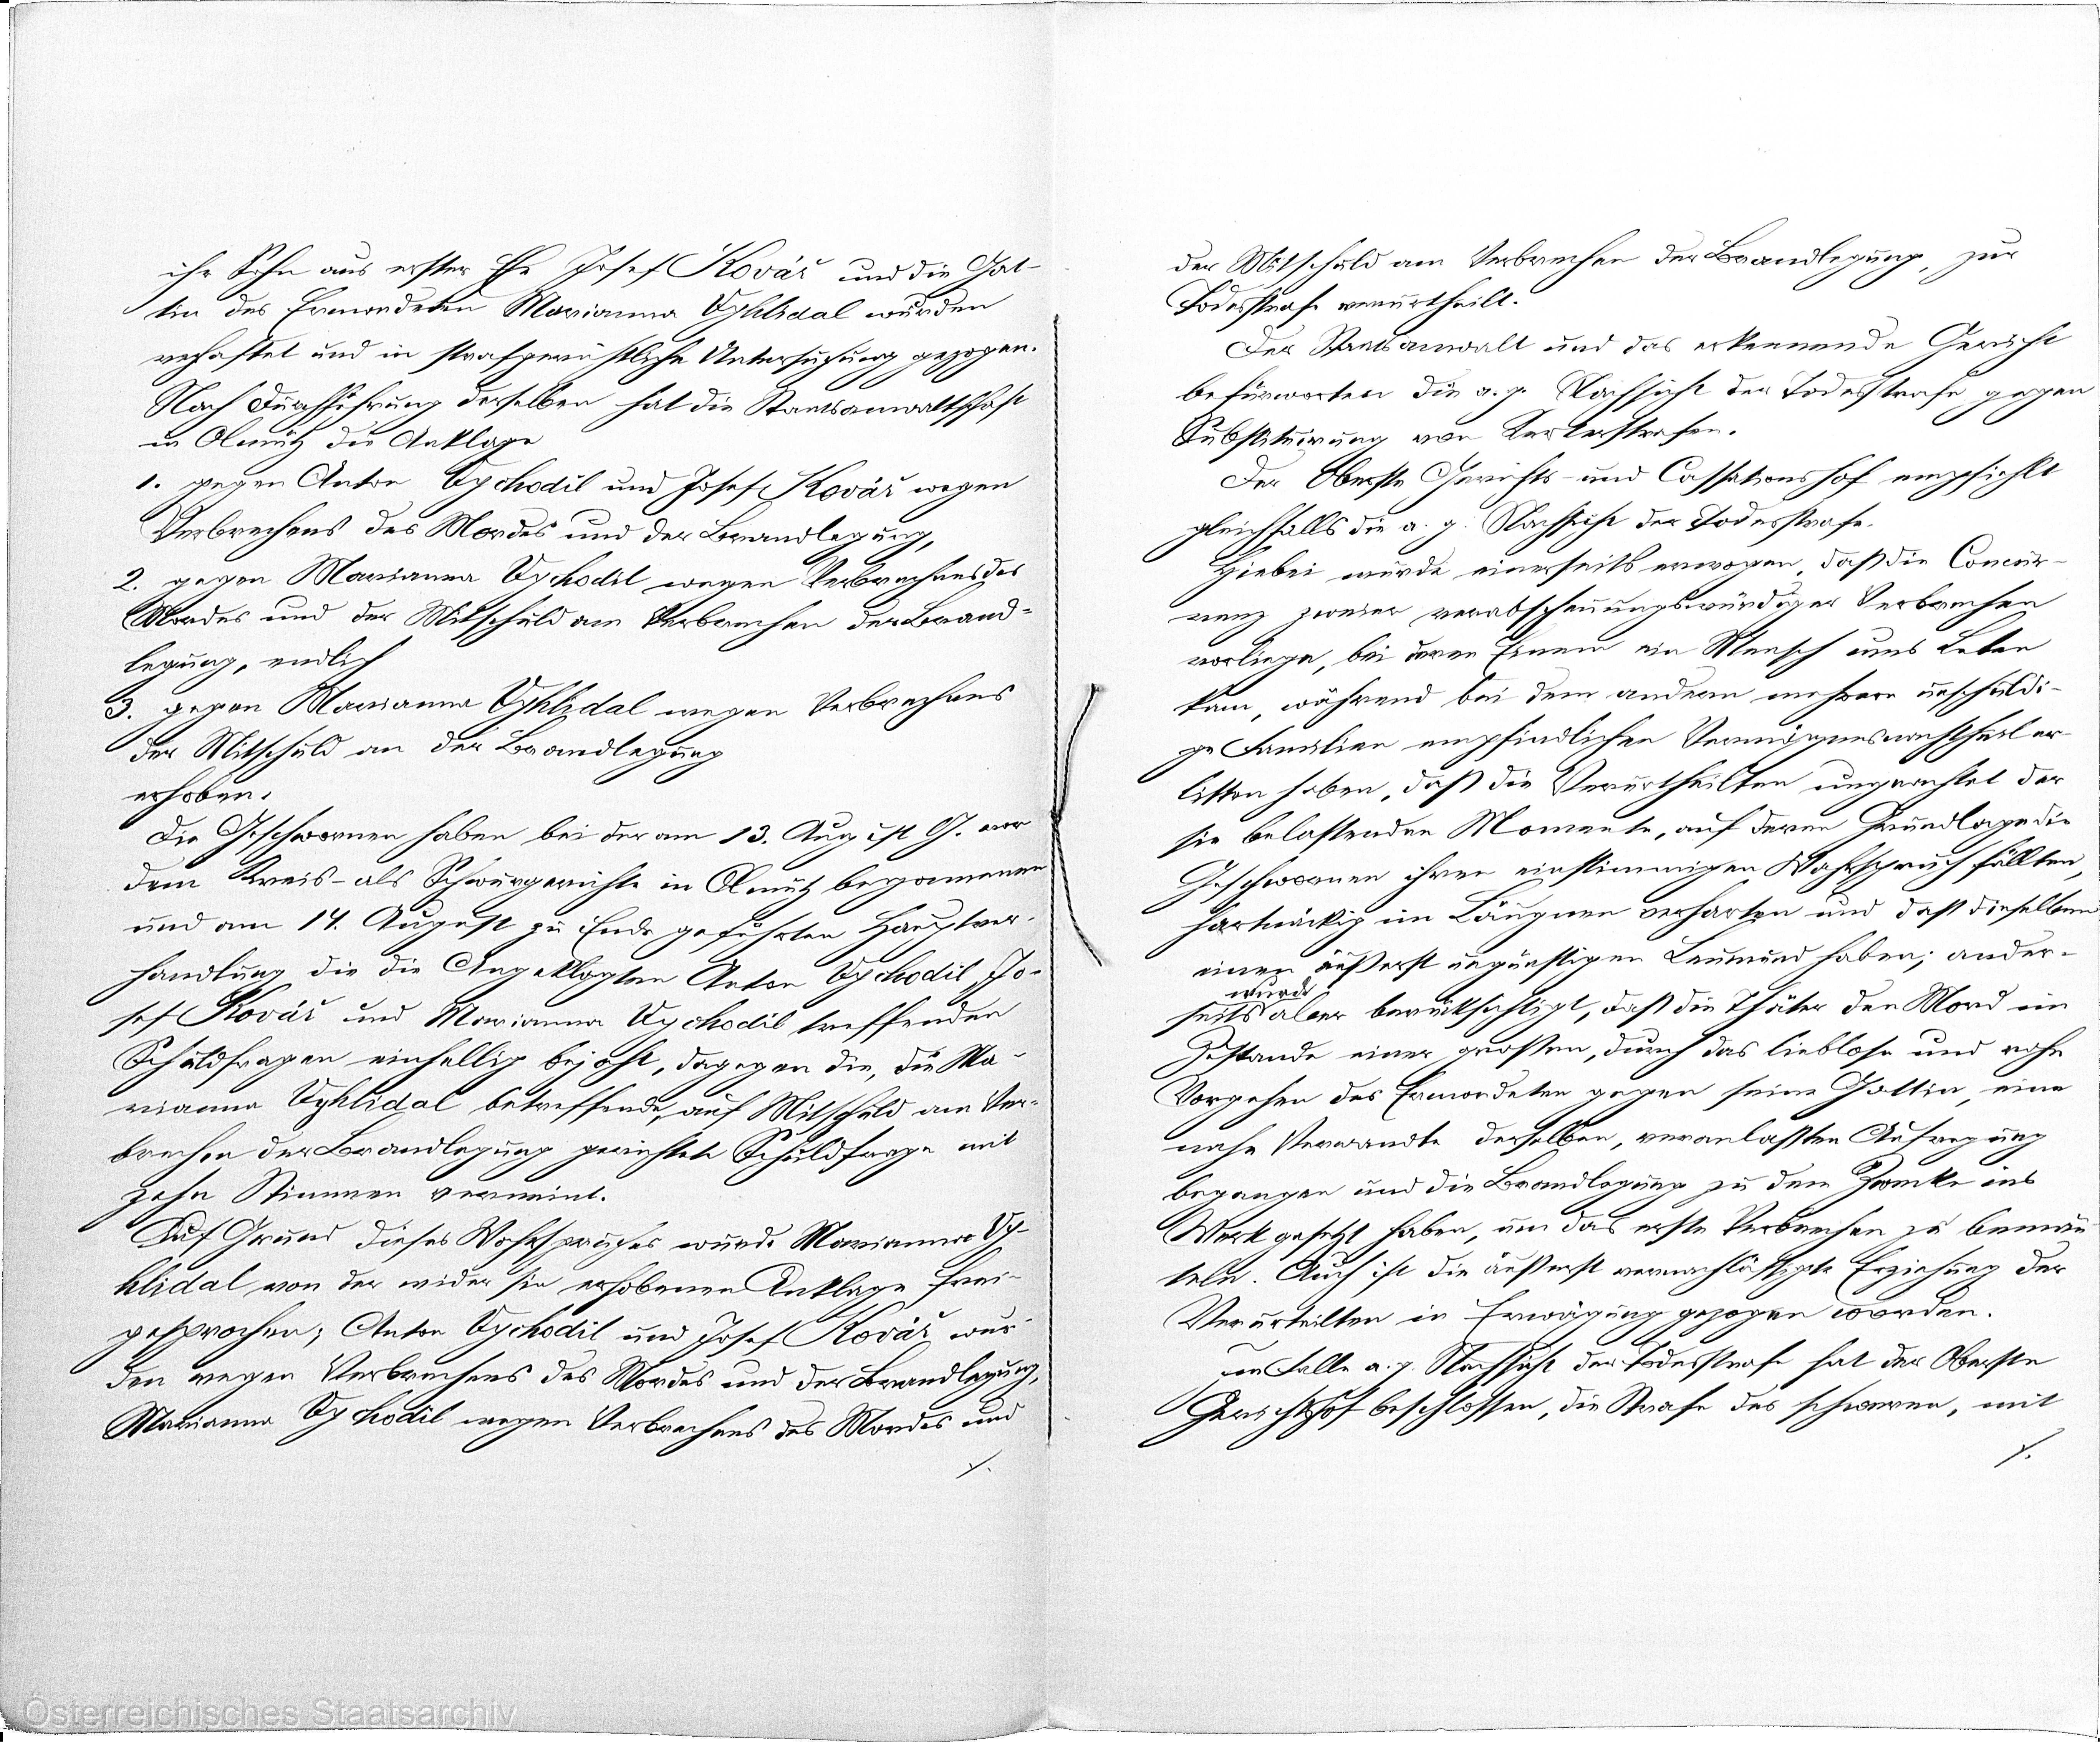ihr Sohn aus erster Ehe Josef Kovár und die Gat¬
tin des Ermordeten Marianna Vyhlidal wurden
verhaftet und in strafgerichtliche Untersuchung gezogen.
Nach Durchführung derselben hat die Staatsanwaltschaft
in Olmütz die Anklage
1. gegen Anton Vychodil und Josef Kovár wegen
Verbrechens des Mordes und der Brandlegung,
2. gegen Marianna Vychodil wegen Verbrechens des
Mordes und der Mitschuld am Verbrachen der Brand¬
legung, endlich
3. gegen Marianna Vyhlidal wegen Verbrechens
der Mitschuld an der Brandlegung
erhoben.
Die Geschwornen haben bei der am 13. Aug ist G. vor
dem Kreis- als Schwurgerichte in Olmütz begonnenen
und am 14. August zu Ende geführten Hauptver¬
handlung die die Angeklagten Anton Vychodil, Jo¬
sef Kovár und Marianna Vychodil treffenden
Schuldfragen einhellig bejaht, dagegen die, die Ma¬
rianna Vyhlidal betreffende, auf Mitschuld am Ver¬
brechen der Brandlegung gerichtete Schuldfrage mit
zehn Stimmen verneint.
Auf Grund dieses Wahrspruches wurde Marianna Vy¬
hlidal von der wider sie erhobenen Anklage Frei¬
gesprochen; Anton Vychodil und Josef Kovár wur¬
den wegen Verbrechens des Mordes und der Brandlegung,
Marianna Vychodil wegen Verbrechens des Mordes und
der Mitschuld am Verbrechen der Brandlegung, zur
Todesstrafe verurtheilt.
Der Staatsanwalt und das erkennende Gericht
befürworten die a. g. Nachsicht der Todesstrafe gegen
Substituirung von Kerkerstrafen.
Der Oberste Gerichts- und Cassationshof empfiehlt
gleichfalls die a. g. Nachsicht der Todesstrafe.
Hiebei wurde einerseits erwogen, daß die Concur¬
renz zweier verabscheuungswürdiger Verbrechen
vorliege, bei deren Einem ein Mensch ums Leben
kam, während bei dem andern mehrere unschuldi¬
ge Familien empfindlichen Vermögensxx er¬
litten haben, daß die Verurtheilten ungerechtet der
sie belastenden Momente, auf deren Grundlage die
Geschwornen ihrer einstimmigen Wahrspruch fällten,
hartnäckig im Läugnen verharten und daß dieselben
einen äußerst ungünstigen Leumund haben; ander¬
wurde
seits aber berücksichtigt, daß die Thäter den Mord im
Zustande einer großen, durch das lieblose und rohe
Vorgehen des Ermordeten gegen seine Gattin, eine
nahe Verwandte derselbe, veranlaßten Aufregung
begangen und die Brandlegung zu dem Zwecke ins
Werk gesetzt haben, um das erste Verbrechen zu bemän¬
teln. Auch ist die äußerst vernachlässigte Erziehung der
Verurteilten in Erwägung gezogen worden.
Jm Falle a. g. Nachsicht der Todesstrafe hat der Oberste
Gerichtshof beschlossen, die Strafe des schweren, mit